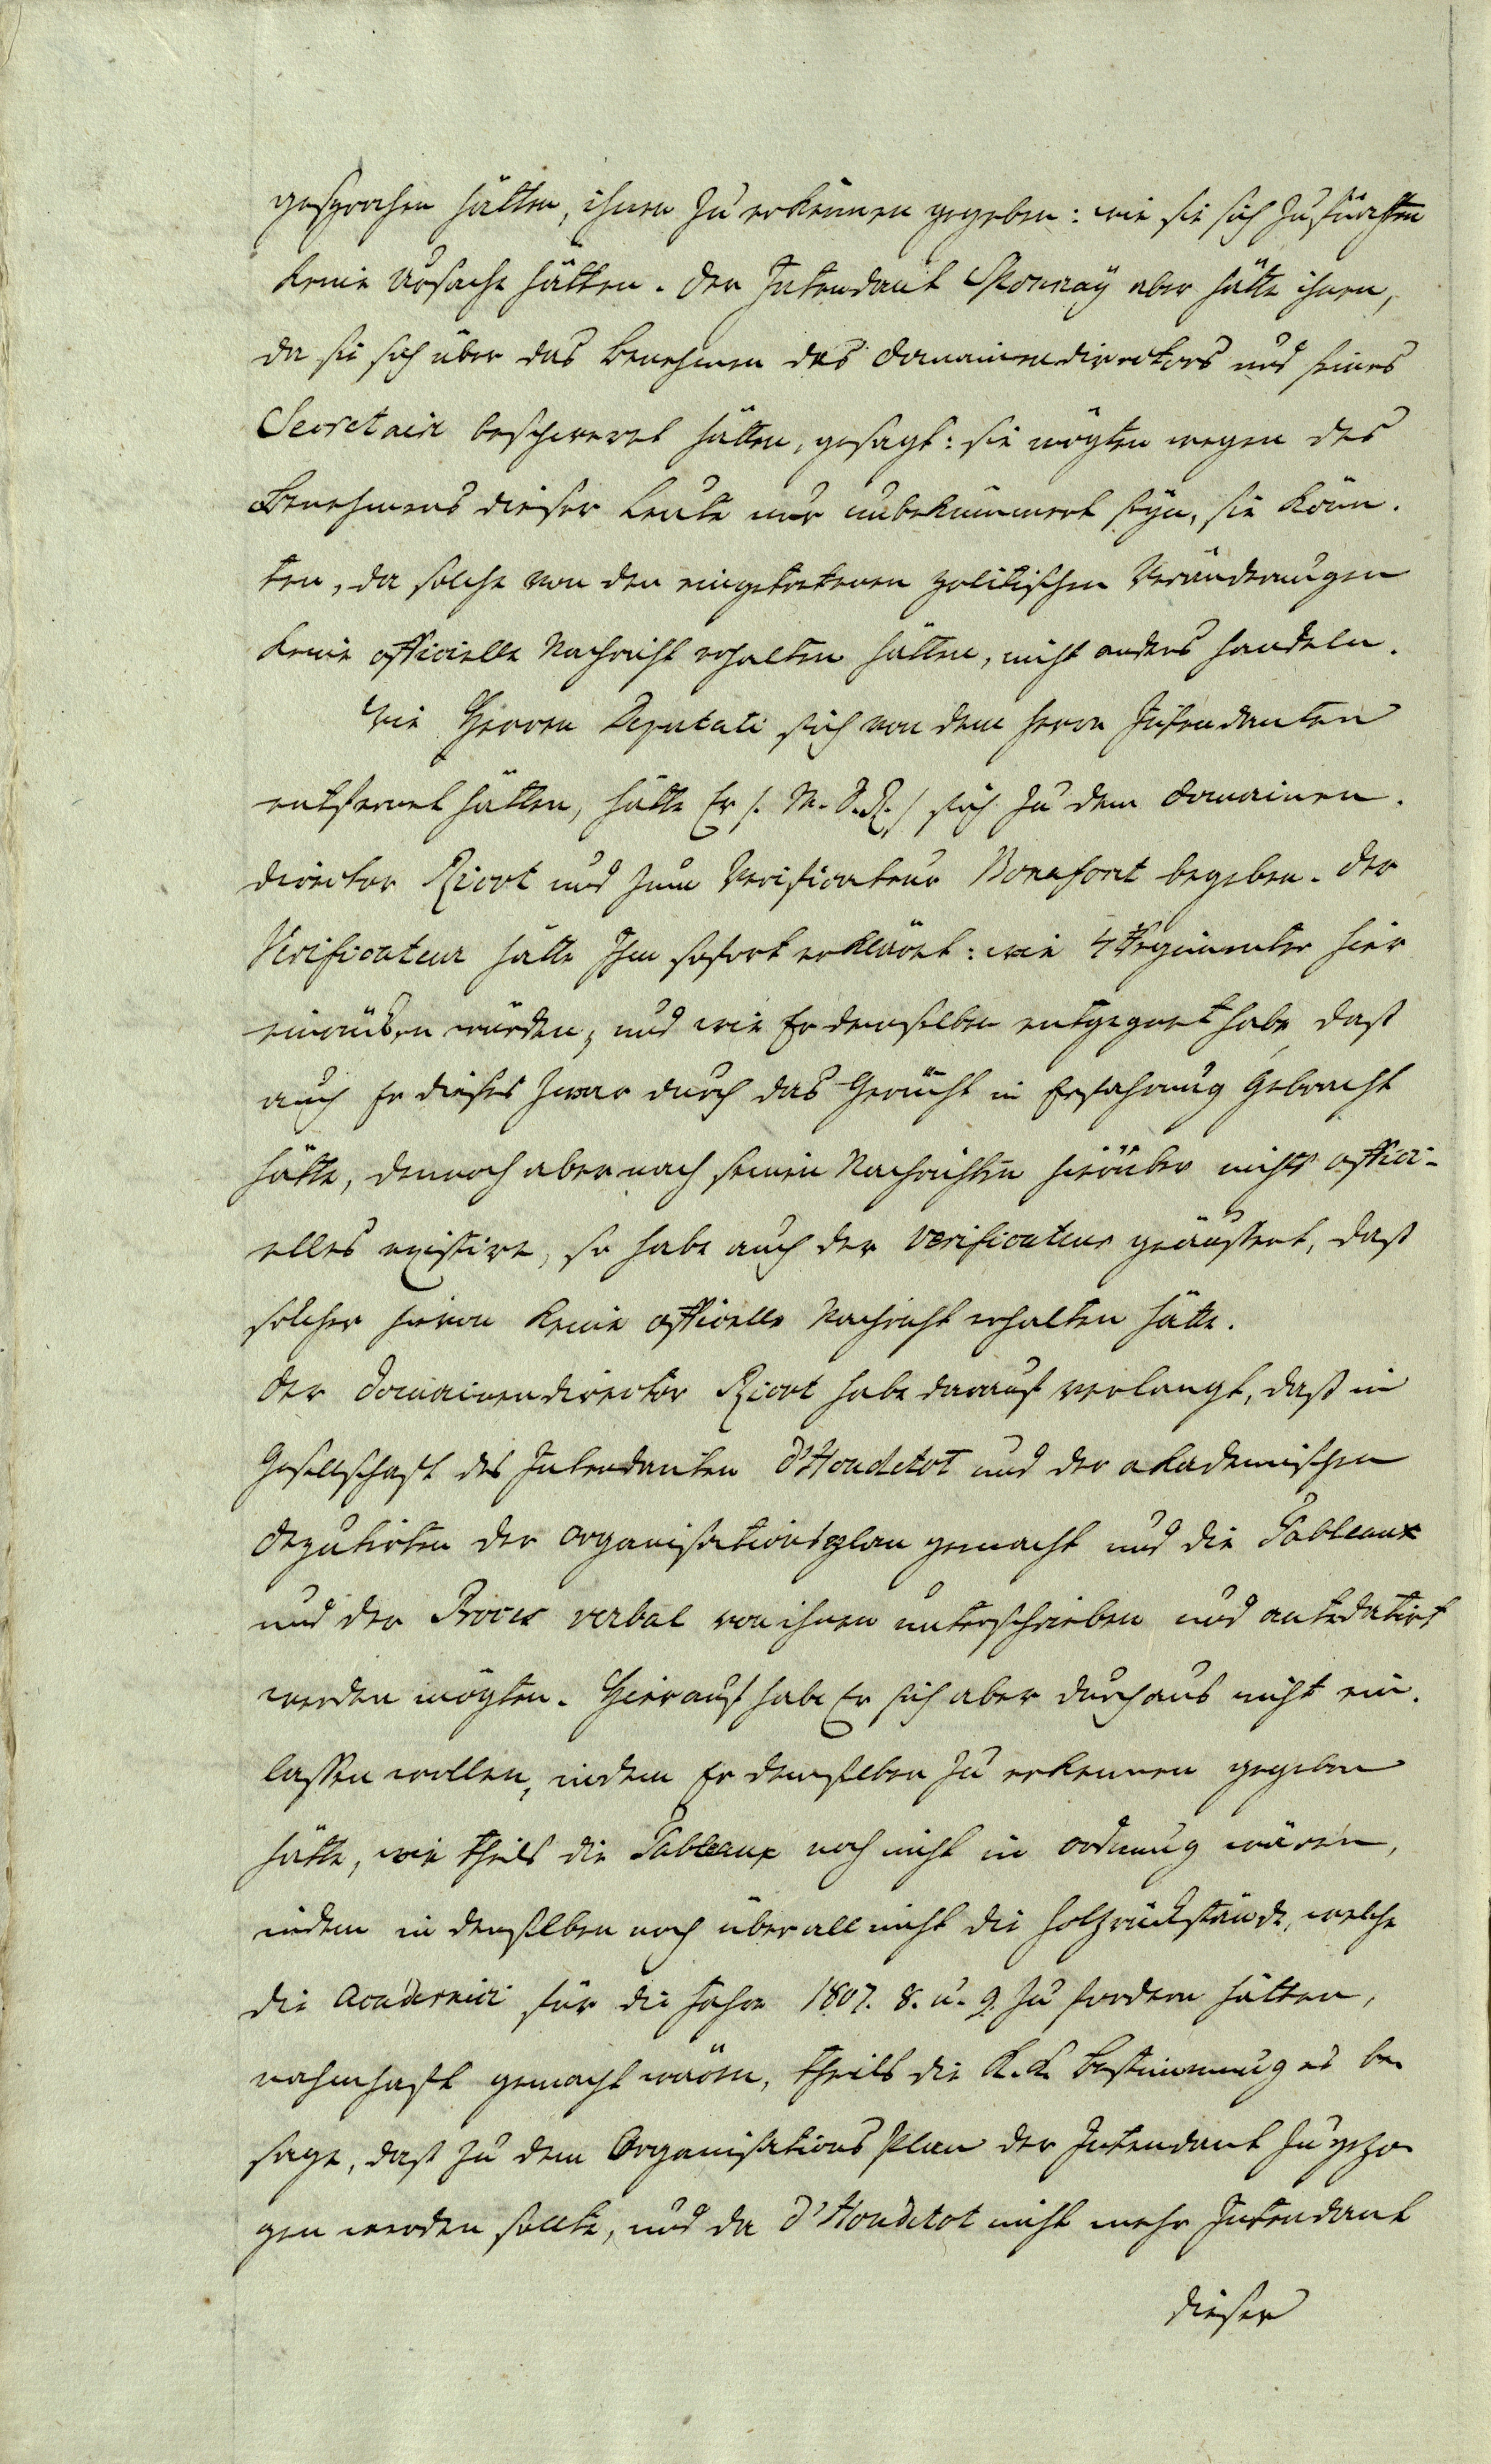gesprochen hätten, ihnen zu erkennen gegeben: wie sie sich zufürchten
keine Ursache hätten. Der Intendant Monnaÿ aber hätte ihnen,
da sie sich über das Benehmen des Domainendirectors und seines
Secretaire beschweret hätten, gesagt: sie mögten wegen des
Benehmens dieser Leute nur unbekümmert seÿn, sie könn¬
ten, da solche von den eingetretenen politischen Veränderungen
keine officielle Nachricht erhalten hätten, nicht anders handeln.
Wie Herren Deputati sich von dem Herrn Intendanten
entfernet hätten, hätte Er /. M. D. R./ sich zu dem Domainen¬
director Ricot und zum Verificateur Bonafont begeben. der
Verificateur hätte Ihm sofort erkläret: wie 4 Regimenter hier
einrücken würden, und wie Er demselben entgegnet habe, daß
auch Er dieses zwar durch das Gerücht in Erfahrung gebracht
hätte, dennoch aber nach seinen Nachrichten hierüber nichts offici¬
elles existire, so habe auch der Verificateur geäussert, daß
solcher hiervon keine officielle Nachricht erhalten hätte.
Der Domainendirector Ricot habe darauf verlangt, daß in
Gesellschaft des Intendanten d' Hondetot und der akademischen
Deputirten der Organisationsplan gemacht und die Tableaux
und der Proces verbal von ihnen unterschrieben und antedatirt
werden mögten. Hierauf habe Er sich aber durchaus nicht ein¬
lassen wollen, indem Er demselben zu erkennen gegeben
hätte, wie theils die Tableaux noch nicht in Ordnung wären,
indem in denselben noch überall nicht die Holzrückstände, welche
die Academici für die Jahre 1807. 8. u. 9. zu fordern hätten,
nahmhaft gemacht wären, theils die K. K. Bestimmung es be¬
sage, daß zu dem Organisations Plan der Intendant zu gezo¬
gen werden sollte, und da d' Hondetot nicht mehr Intendant
dieser